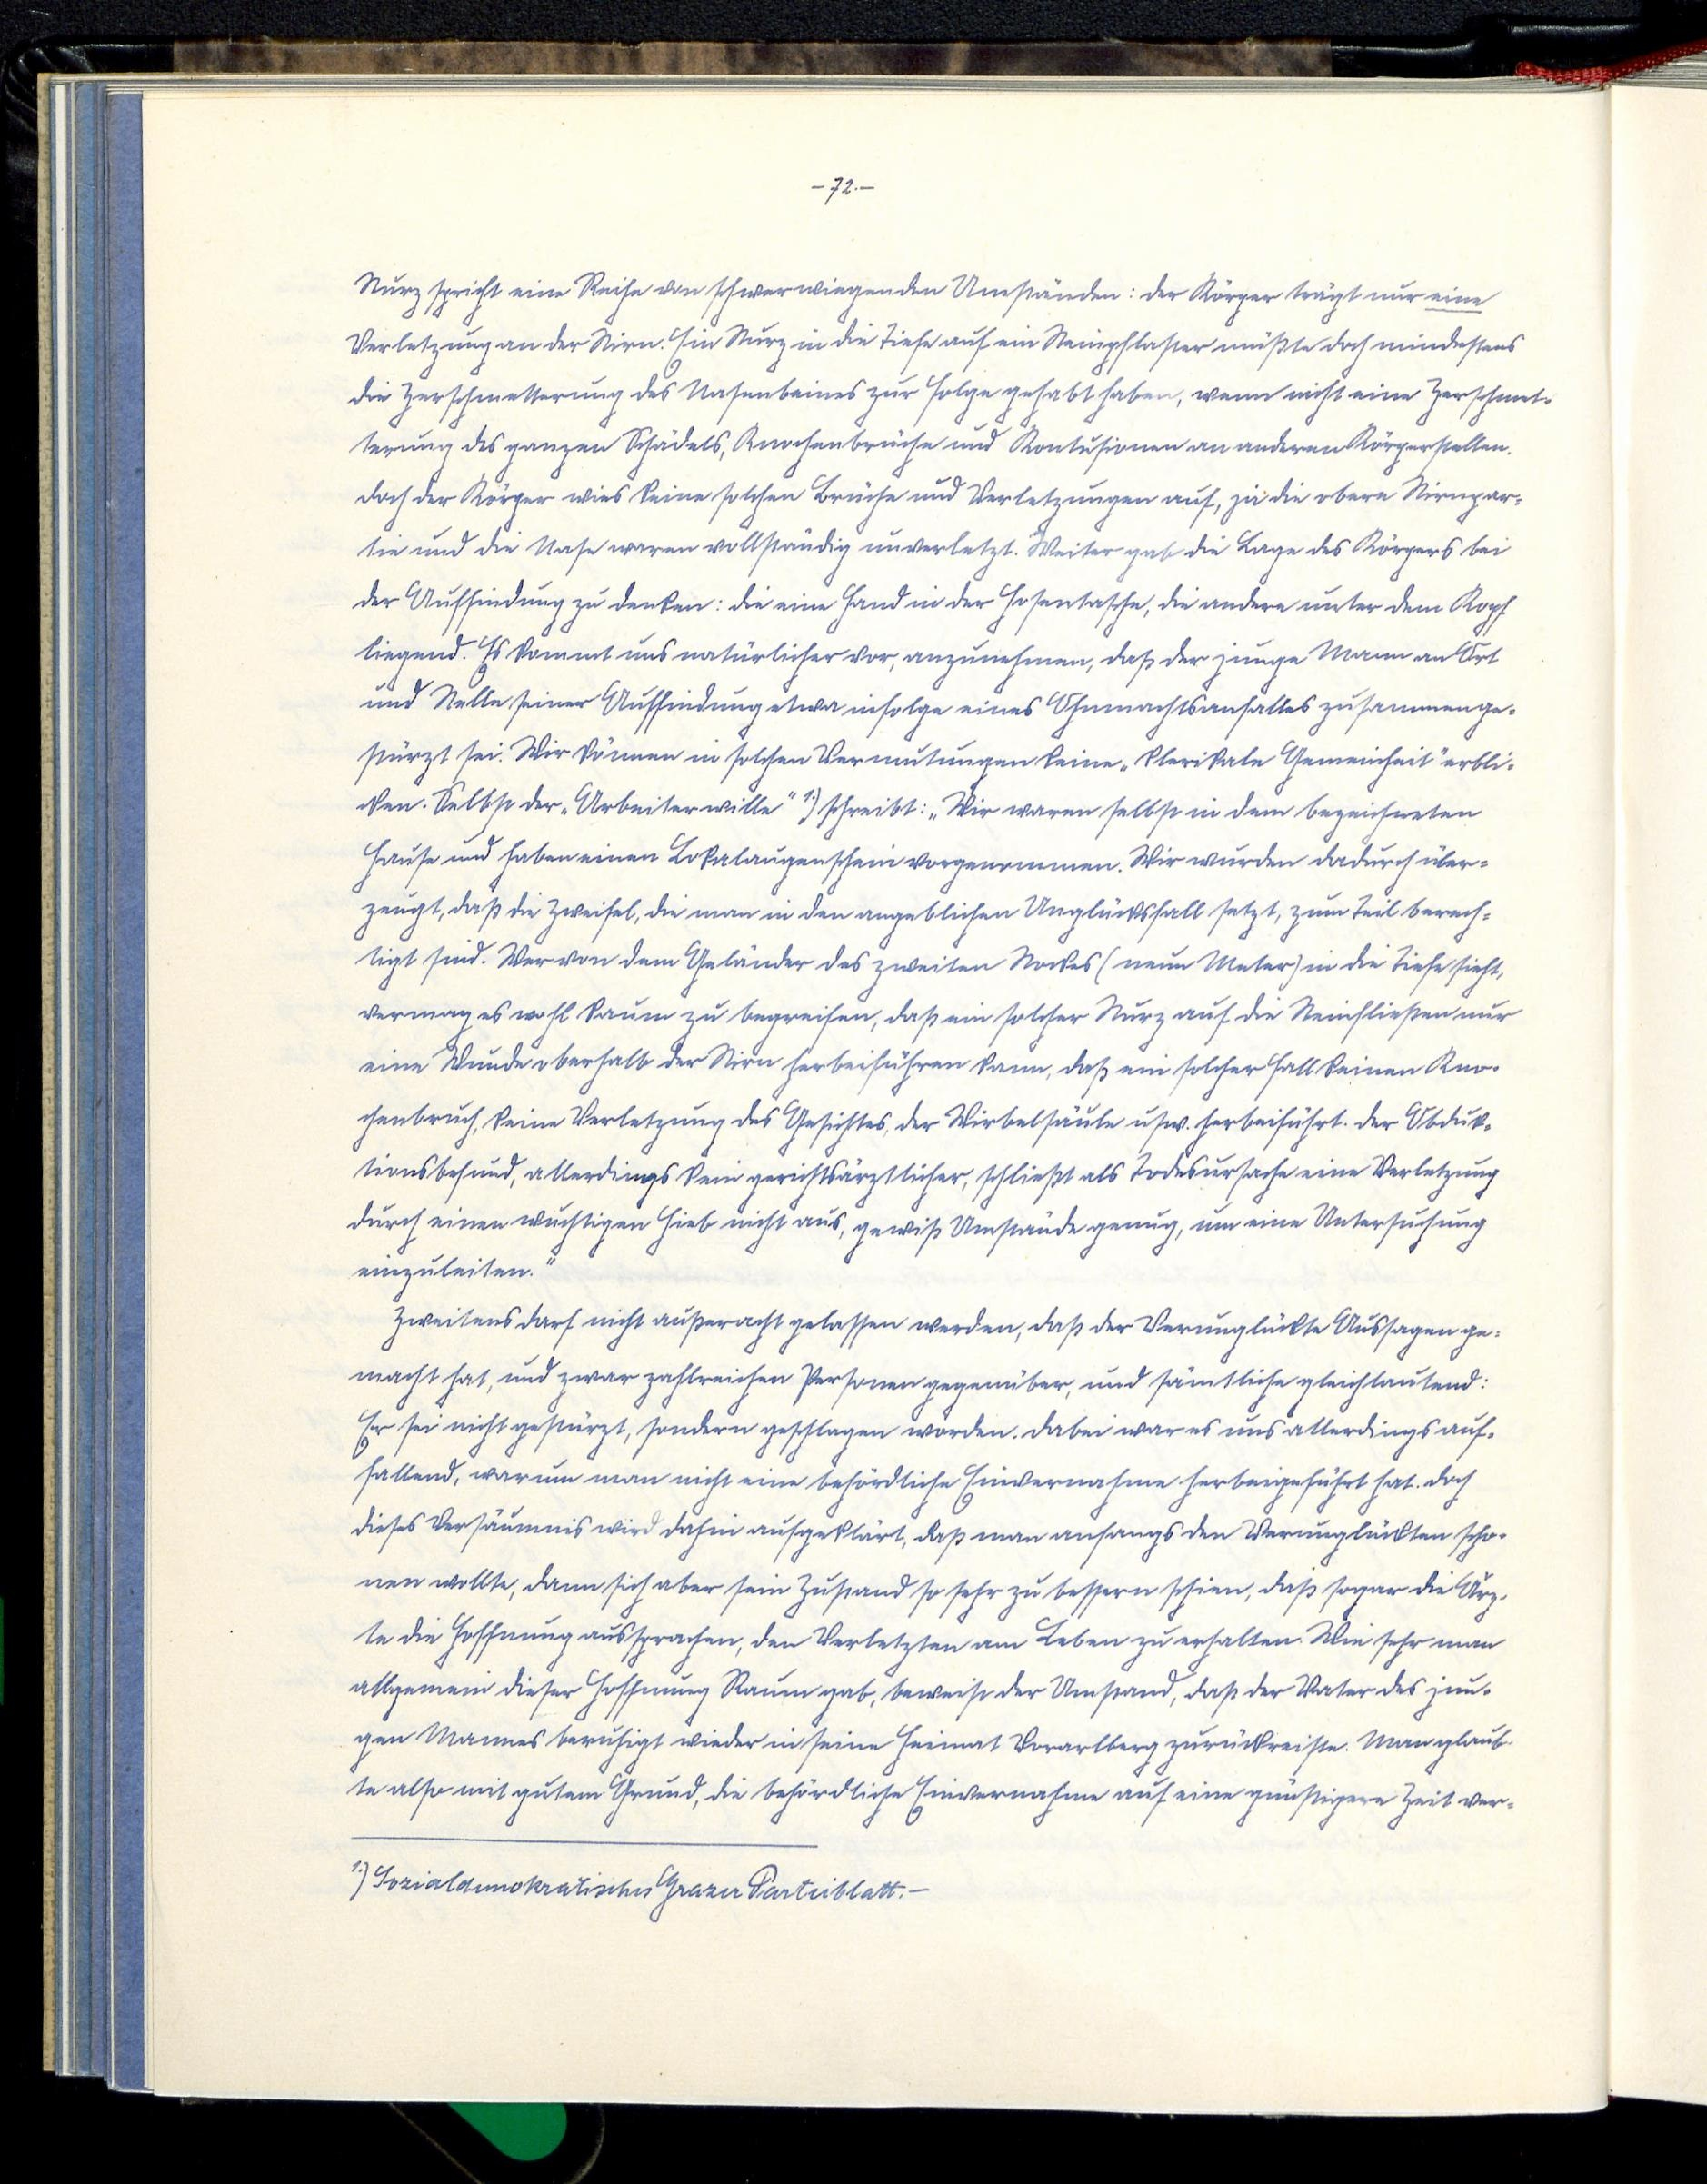72
Sturz spricht eine Reihe von schwerwiegenden Umständen: der Körper trägt nur eine
Verletzung an der Stirn. Ein Sturz in die Tiefe auf ein Steinpflaster müßte doch mindestens
die Zerschmetterung des Nasenbeins zur Folge gehabt haben, wenn nicht eine Zerschmet-
terung des ganzen Schädels, Knochenbrüche und Kontusionen an anderen Körperstellen.
Doch der Körper wies keine solchen Brüche und Verletzungen auf, ja die obere Stirnpar-
tie und die Nase war vollständig unverletzt. Weiter gab die Lage des Körpers bei
der Auffindung zu denken: die eine Hand in der Hosentasche, die andere unter dem Kopf
liegend. Es kommt uns natürlich hervor, anzunehmen, dass der junge Mann an Ort
und Stelle seiner Auffindung etwa infolge eines Ohnmachtanfalles des zusammenge-
stürzt sei. Wir können in solchen Vermutungen keine “klerikale Gemeinheit“ erbli-
ken. Selbst der „Arbeiterwille“ 1) schreibt: Wir waren selbst in den bezeichneten
Hause und haben einen Lokalaugenschein vorgenommen. Wir wurden dadurch über-
zeugt, daß die Zweifel, die man in den angeblichen Unglücksfall setzt, zum Teil berech-
tigt sind. Wer von dem Gelände des zweiten Stockes (9 Meter) in die Tiefe sieht,
vermag es wohl kaum zu begreifen, dass ein solcher Sturz auf die Steinfliesen nur
eine Wunde oberhalb der Stirn herbeiführen kann, dass ein solcher Fall keinen Kno-
chenbruch, keine Verletzung des Gesichtes, des der Wirbelsäule usw. herbeiführt. Der Obduk
tionsbefund, allerdings kein gerichtsärztlicher, schließt als Todesursache eine Verletzung
durch einen wuchtigen Hieb nicht aus, gewiß Umstände genug, um eine Untersuchung
einzuleiten.
Zweitens darf nicht über außeracht gelassen werden, dass der Verunglückte Aussagen ge-
macht hat, und zwar zahlreichen Personen gegenüber, und sämtliche gleichlautend:
Er sei nicht gestürzt, sondern geschlagen worden. Dabei war es uns allerdings auf-
fallend, warum man nicht eine behördliche Einvernahme herbeigeführt hat. Doch
dieses Versäumnis wird dahin aufgeklärt, dass man anfangs den Verunglückten scho-
nen wollte, dann sich aber sein Zustand so sehr zu bessern schien, daß sogar die Ärz-
te die Hoffnung aussprachen, den Verletzten am Leben zu erhalten. Wie sehr man
allgemein dieser Hoffnung Raumg ab, beweist der Umstand, dass der Vater des jun-
gen Mannes beruhigt, wieder in seiner Heimat Vorarlberg zurückreiste. Man glaub-
te also mit gutem Grund, die behördliche Einvernahme auf eine günstigere Zeit ver-
1) Sozialdemokratisches Grazer Parteiblatt.-